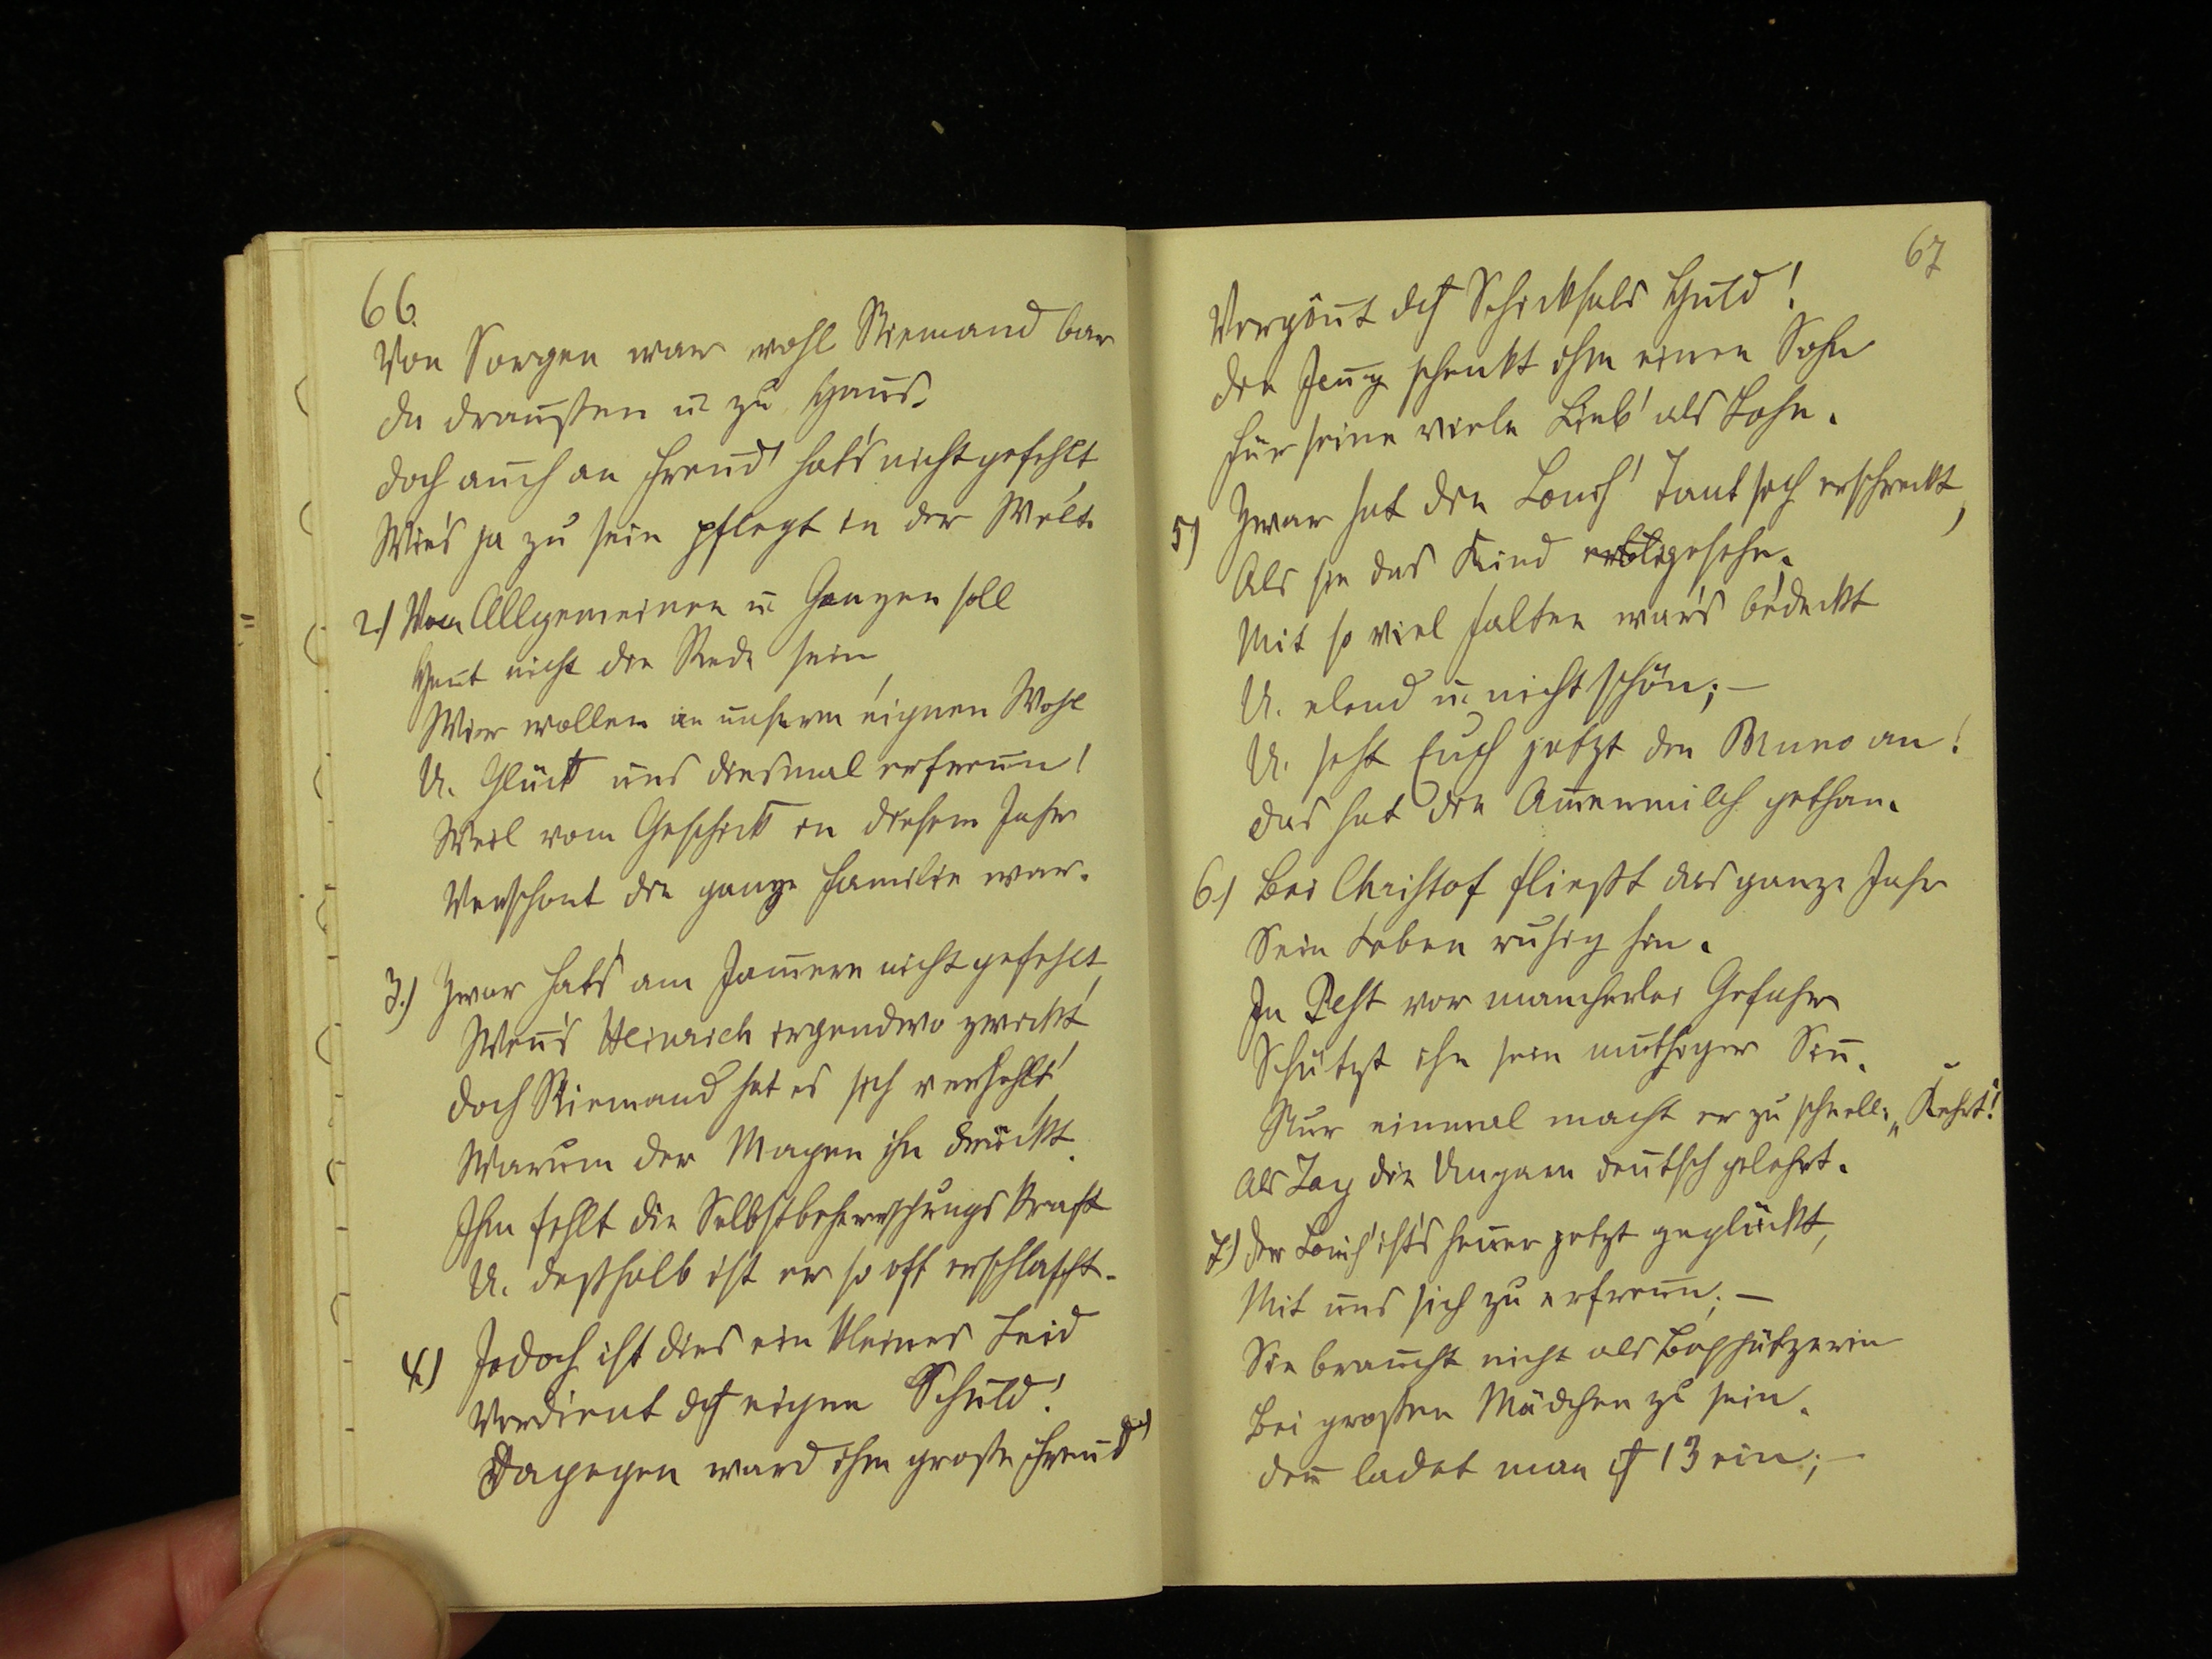66
Von Sorgen war wohl niemand bar
Da draußen und zu Hause
Doch auch an Freud hat´s nicht gefehlt
Wies ja zu sein geflegt in der Welt
2) Vom Allgemeinen und Ganzen soll
Heut nicht die Rede sein
Wir wollen an unserem eigenen Wohl
u. Glück
Geschick in diesem Jahr
Verschont die ganze Familie war.
3) Zwar hat`s am Jammern nicht gefehlt
Wenn Heinrich irgendwo gezwickt
Doch niemand hat es sich verhehlt
Warum der Magen ihn drückt
Ihm fehlt die Selbstbeherrschungskraft
U. deshalb ist er so oft erschlafft.
4) Jedoch ist dies ein kleines Leid
Verdient dt eigene Schuld !
dagegen ward ihm große Freud.
67
Vergönt dt Schicksals Huld !
Die Jeny schenkt ihm einen Sohn
Für seine viele Lieb' als Lohn
5) Zwar hat die Loui´s Tant sich erschreckt
Als sie das Kind ???gesehen
Mit so viel Falten war`s bedeckt
U. elend u. nicht schön; -
U. seht Euch jetzt den Bruno an !
Das hat die Amenmilch gethan.
6) Bei Christof fließt das ganze Jahr
Sein Leben ruhig hin.
In Rest vor mancherlei Gefahr
Schützt ihn sein muthiger Sinn.
Nur einmal macht er zu schnell "Kehrt" !
Als Lay die Ungarn deutsch gelehrt.
7) Dem Lous ist's heuer jetzt geglückt
Mit uns sich zu erfreuen. -
Sie braucht nicht als Beschützerin
Bei großen Mädchen zu sein.
Die ladet man t 13 ein;